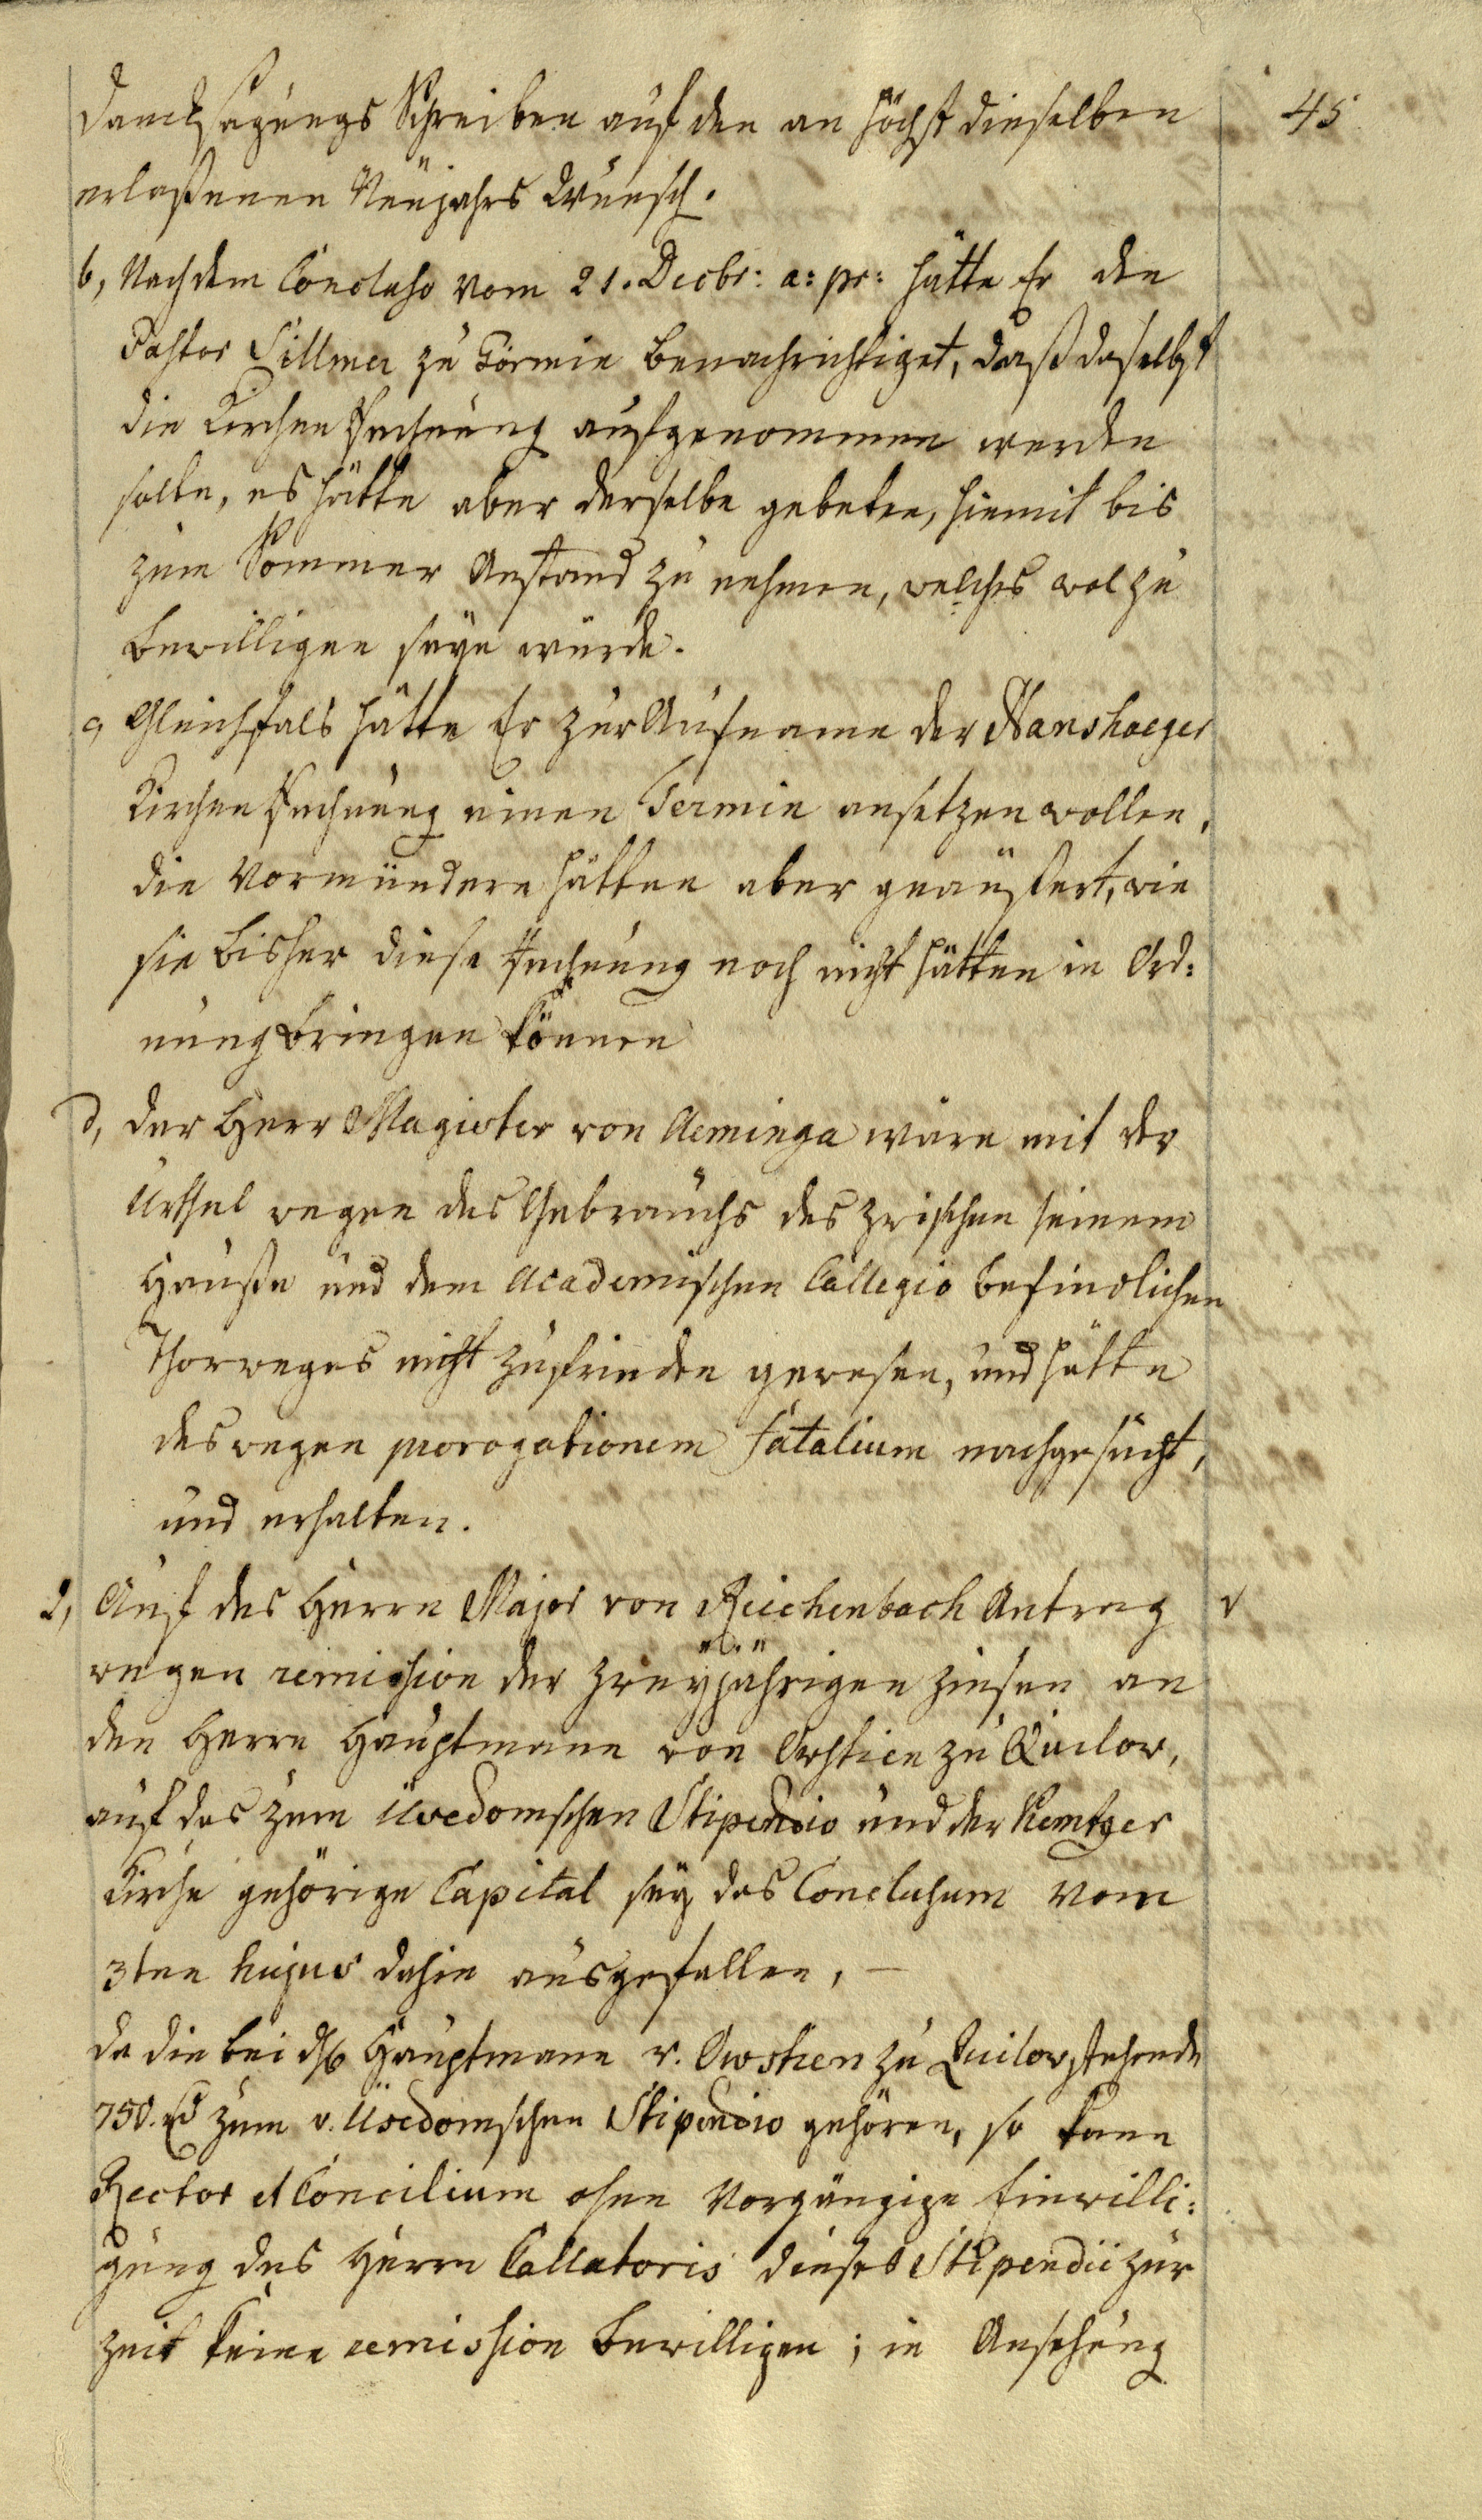Dancksagungs Schreiben auf den an höchst dieselben
erlaßenen Neujahrs Wunsch.
b, Nach dem Concluso vom 21. Decbr. a. pr. hätte Er den
Pastor Sillmer zu Görmin benachrichtiget, daß daselbst
die Kirchen Rechnung aufgenommen werden
solte, es hätte aber derselbe gebeten, hiemit bis
zum Sommer Anstand zu nehmen, welches wol zu
bewilligen seÿn würde.
c, Gleichfals hätte Er zur Aufname der Hanshaeger
KirchenRechnung einen Termin ansetzen wollen,
die Vormündern hätten aber geäußert, wie
sie bisher diese Rechnung noch nicht hätten in Ord¬
nung bringen können.
d, der Herr Magister von Aeminga wäre mit der
Urthel wegen des Gebrauchs des zwischen seinem
Hauße und dem Academischen Collegio befindlichen
Thorweges nicht zufrieden gewesen, und hätte
deswegen prorogationem fatalium nachgesucht,
und erhalten.
2, Auf des Herrn Major von Reichenbach Antrag
wegen remission der zweÿjährigen Zinsen an
den Herrn Hauptmann von Owstien zu Quilow,
auf das zum Usedomschen Stipendio und der Kemtzer
Kirche gehörige Capital seÿ das Conclusum vom
3ten hujus dahin ausgefallen.
Da die bei dh Hauptmann v. Owstien zu Quilow stehende
750 rt zum v. Usedomschen Stipendio gehören, so kann
Rector et Concilium ohne vorgängige Einwilli¬
gung des Herrn Collatoris dieses Stipendii zur
Zeit keine remission bewilligen; in Ansehung